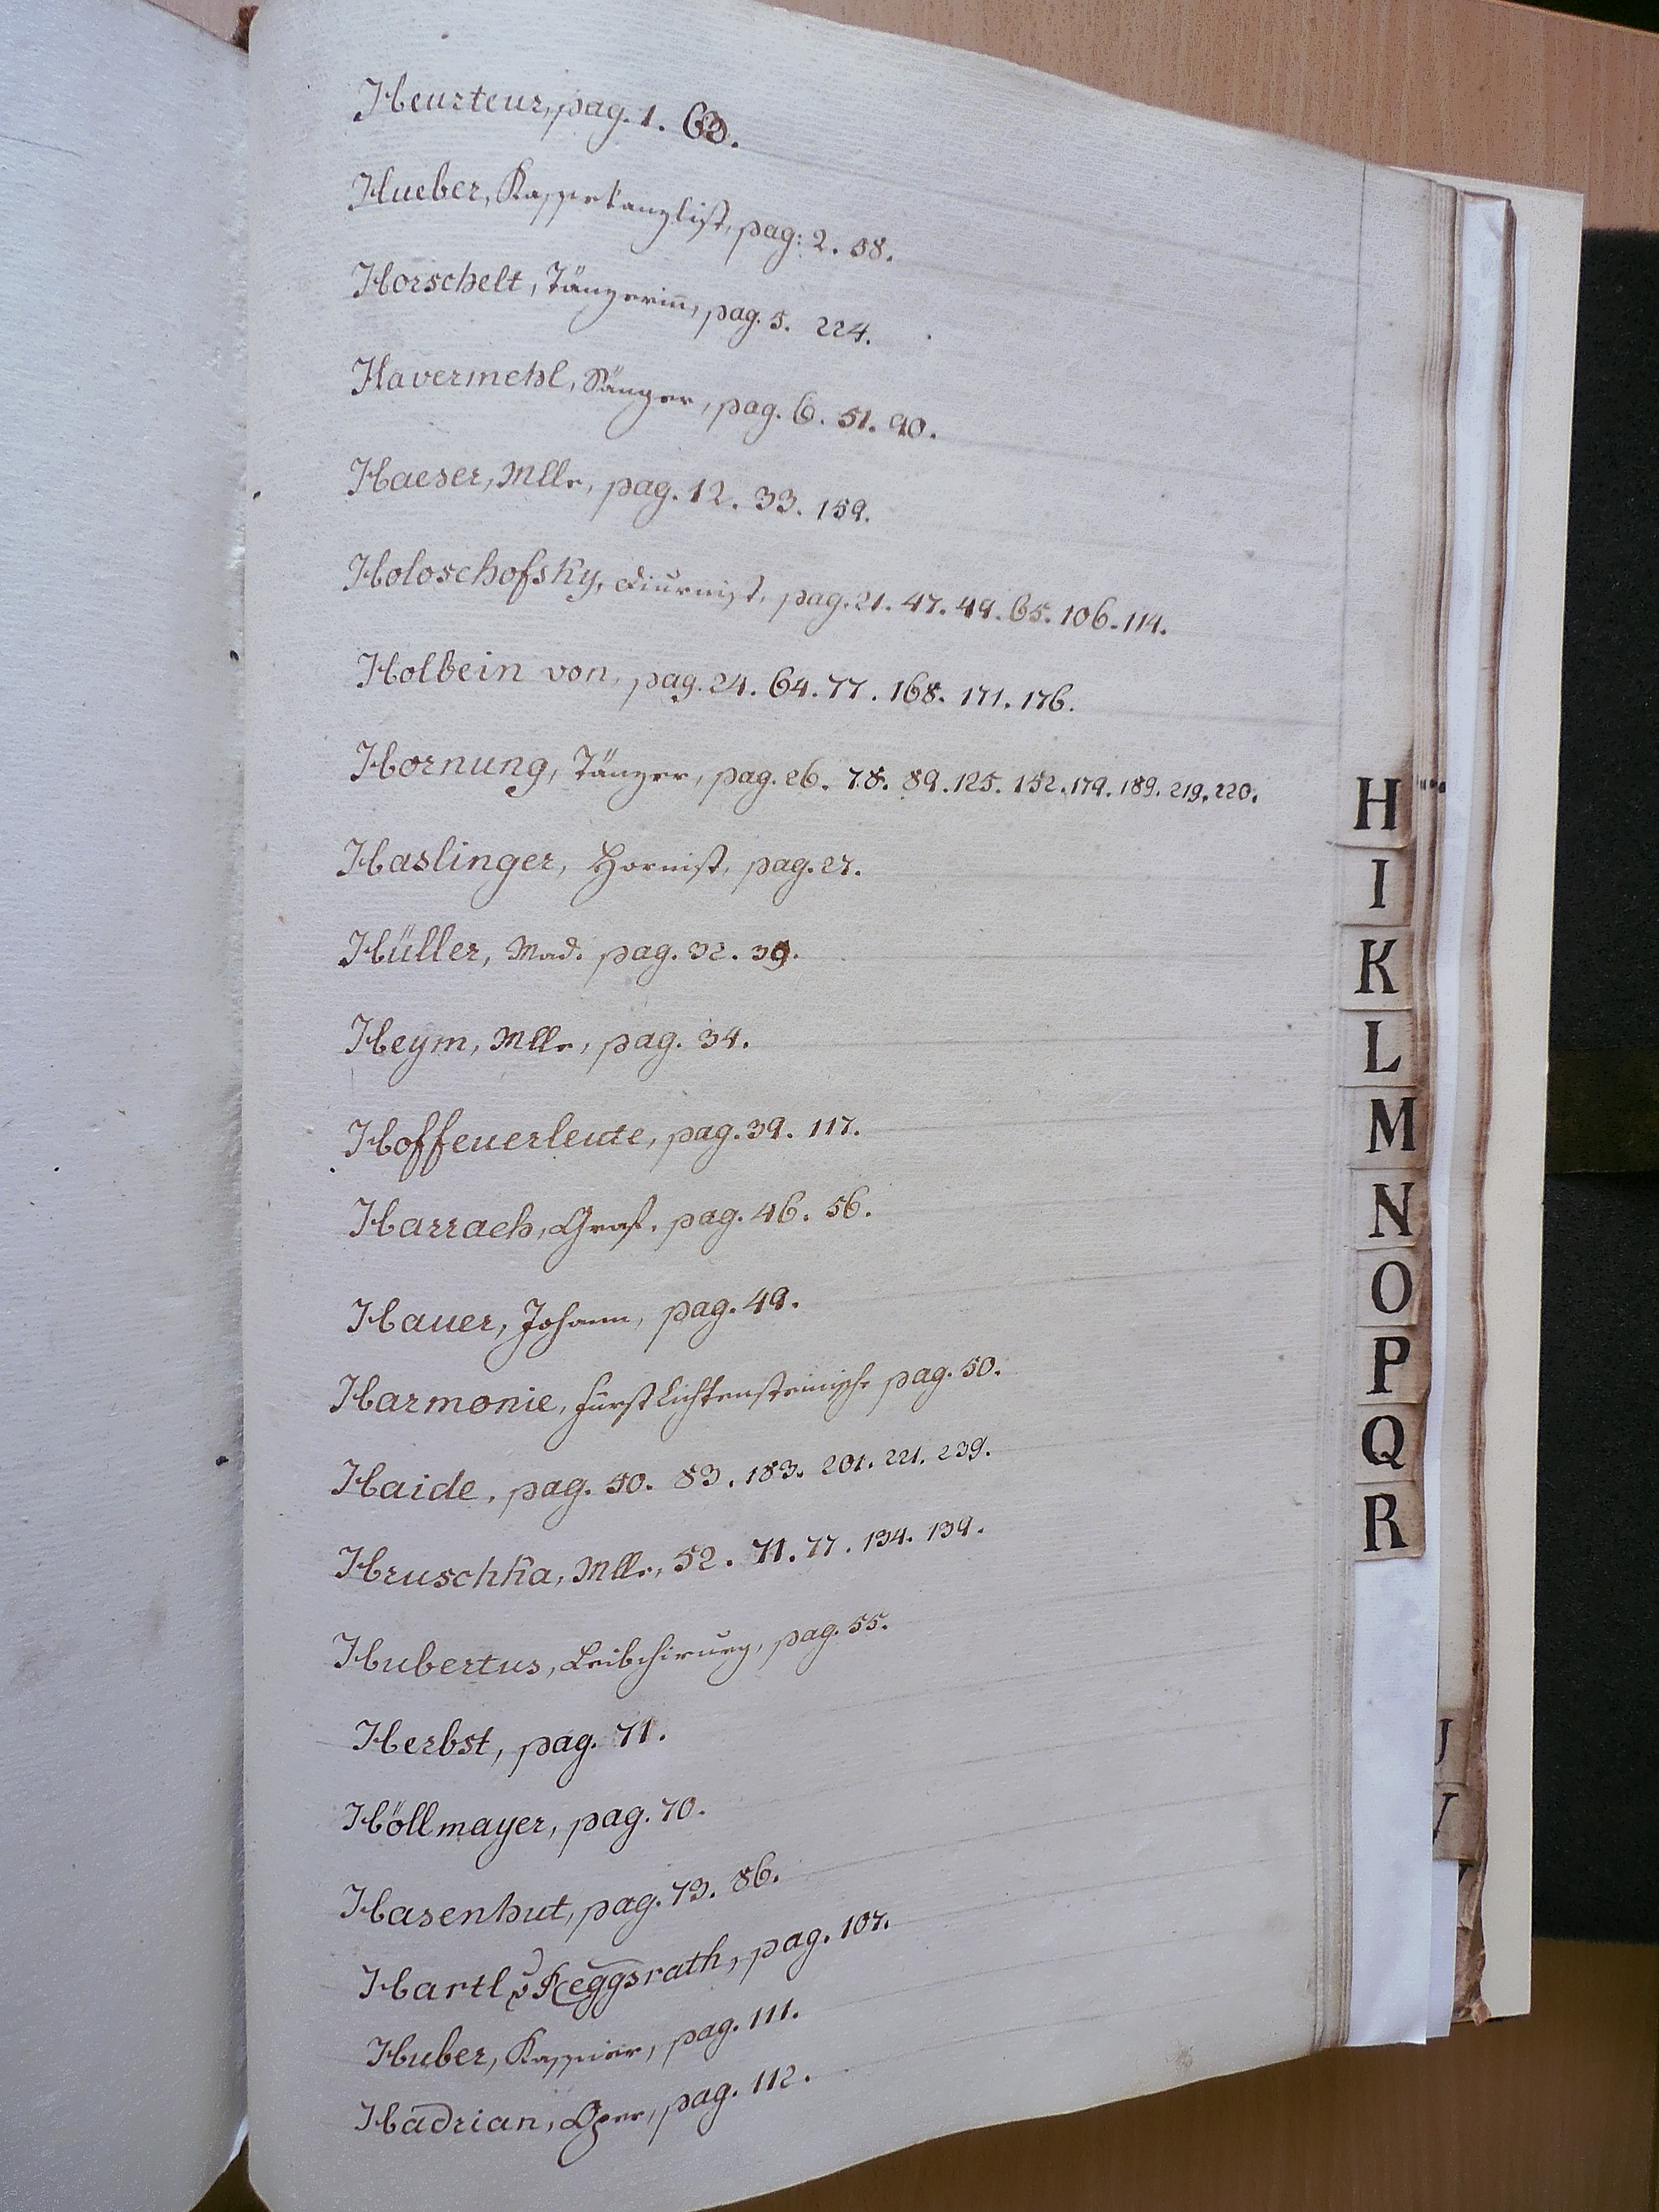H
Heurteur, pag. 1. 63.
Hueber, Kassekanzlist, pag: 2. 58.
Horschelt, Tänzerin̅, pag. 5. 224.
Havermehl, Sänger, pag. 6. 51. 90.
Haeser, Mlle, pag. 12. 33. 159.
Holoschofsky, Diurnist, pag. 21. 47. 49. 65. 106. 114.
Holbein von, pag. 24. 64. 77. 168. 171. 176.
Hornung, Tänzer, pag. 26. 78. 89. 125. 152. 179. 189. 219. 220.
Haslinger, Hornist, pag. 27.
Hüller, Mad. pag. 32. 39.
Heym, Mlle, pag. 34.
Hoffeuerleute, pag. 39. 117.
Harrach, Graf, pag. 46. 56.
Hauer, Johann, pag. 49.
Harmonie, Fürst Lichtensteinische pag. 50.
Haide, pag. 50. 83. 183. 201. 221. 239.
Hruschka, Mlle, 52. 71. 77. 134. 139.
Hubertus, Leibchirurg, pag. 55.
Herbst, pag. 71.
Höllmayer, pag. 70.
Hasenhut, pag. 73. 86.
Hartl v Reg͞gsrath, pag. 107.
Huber, Kassier, pag. 111.
Hadrian, Oper, pag. 112.